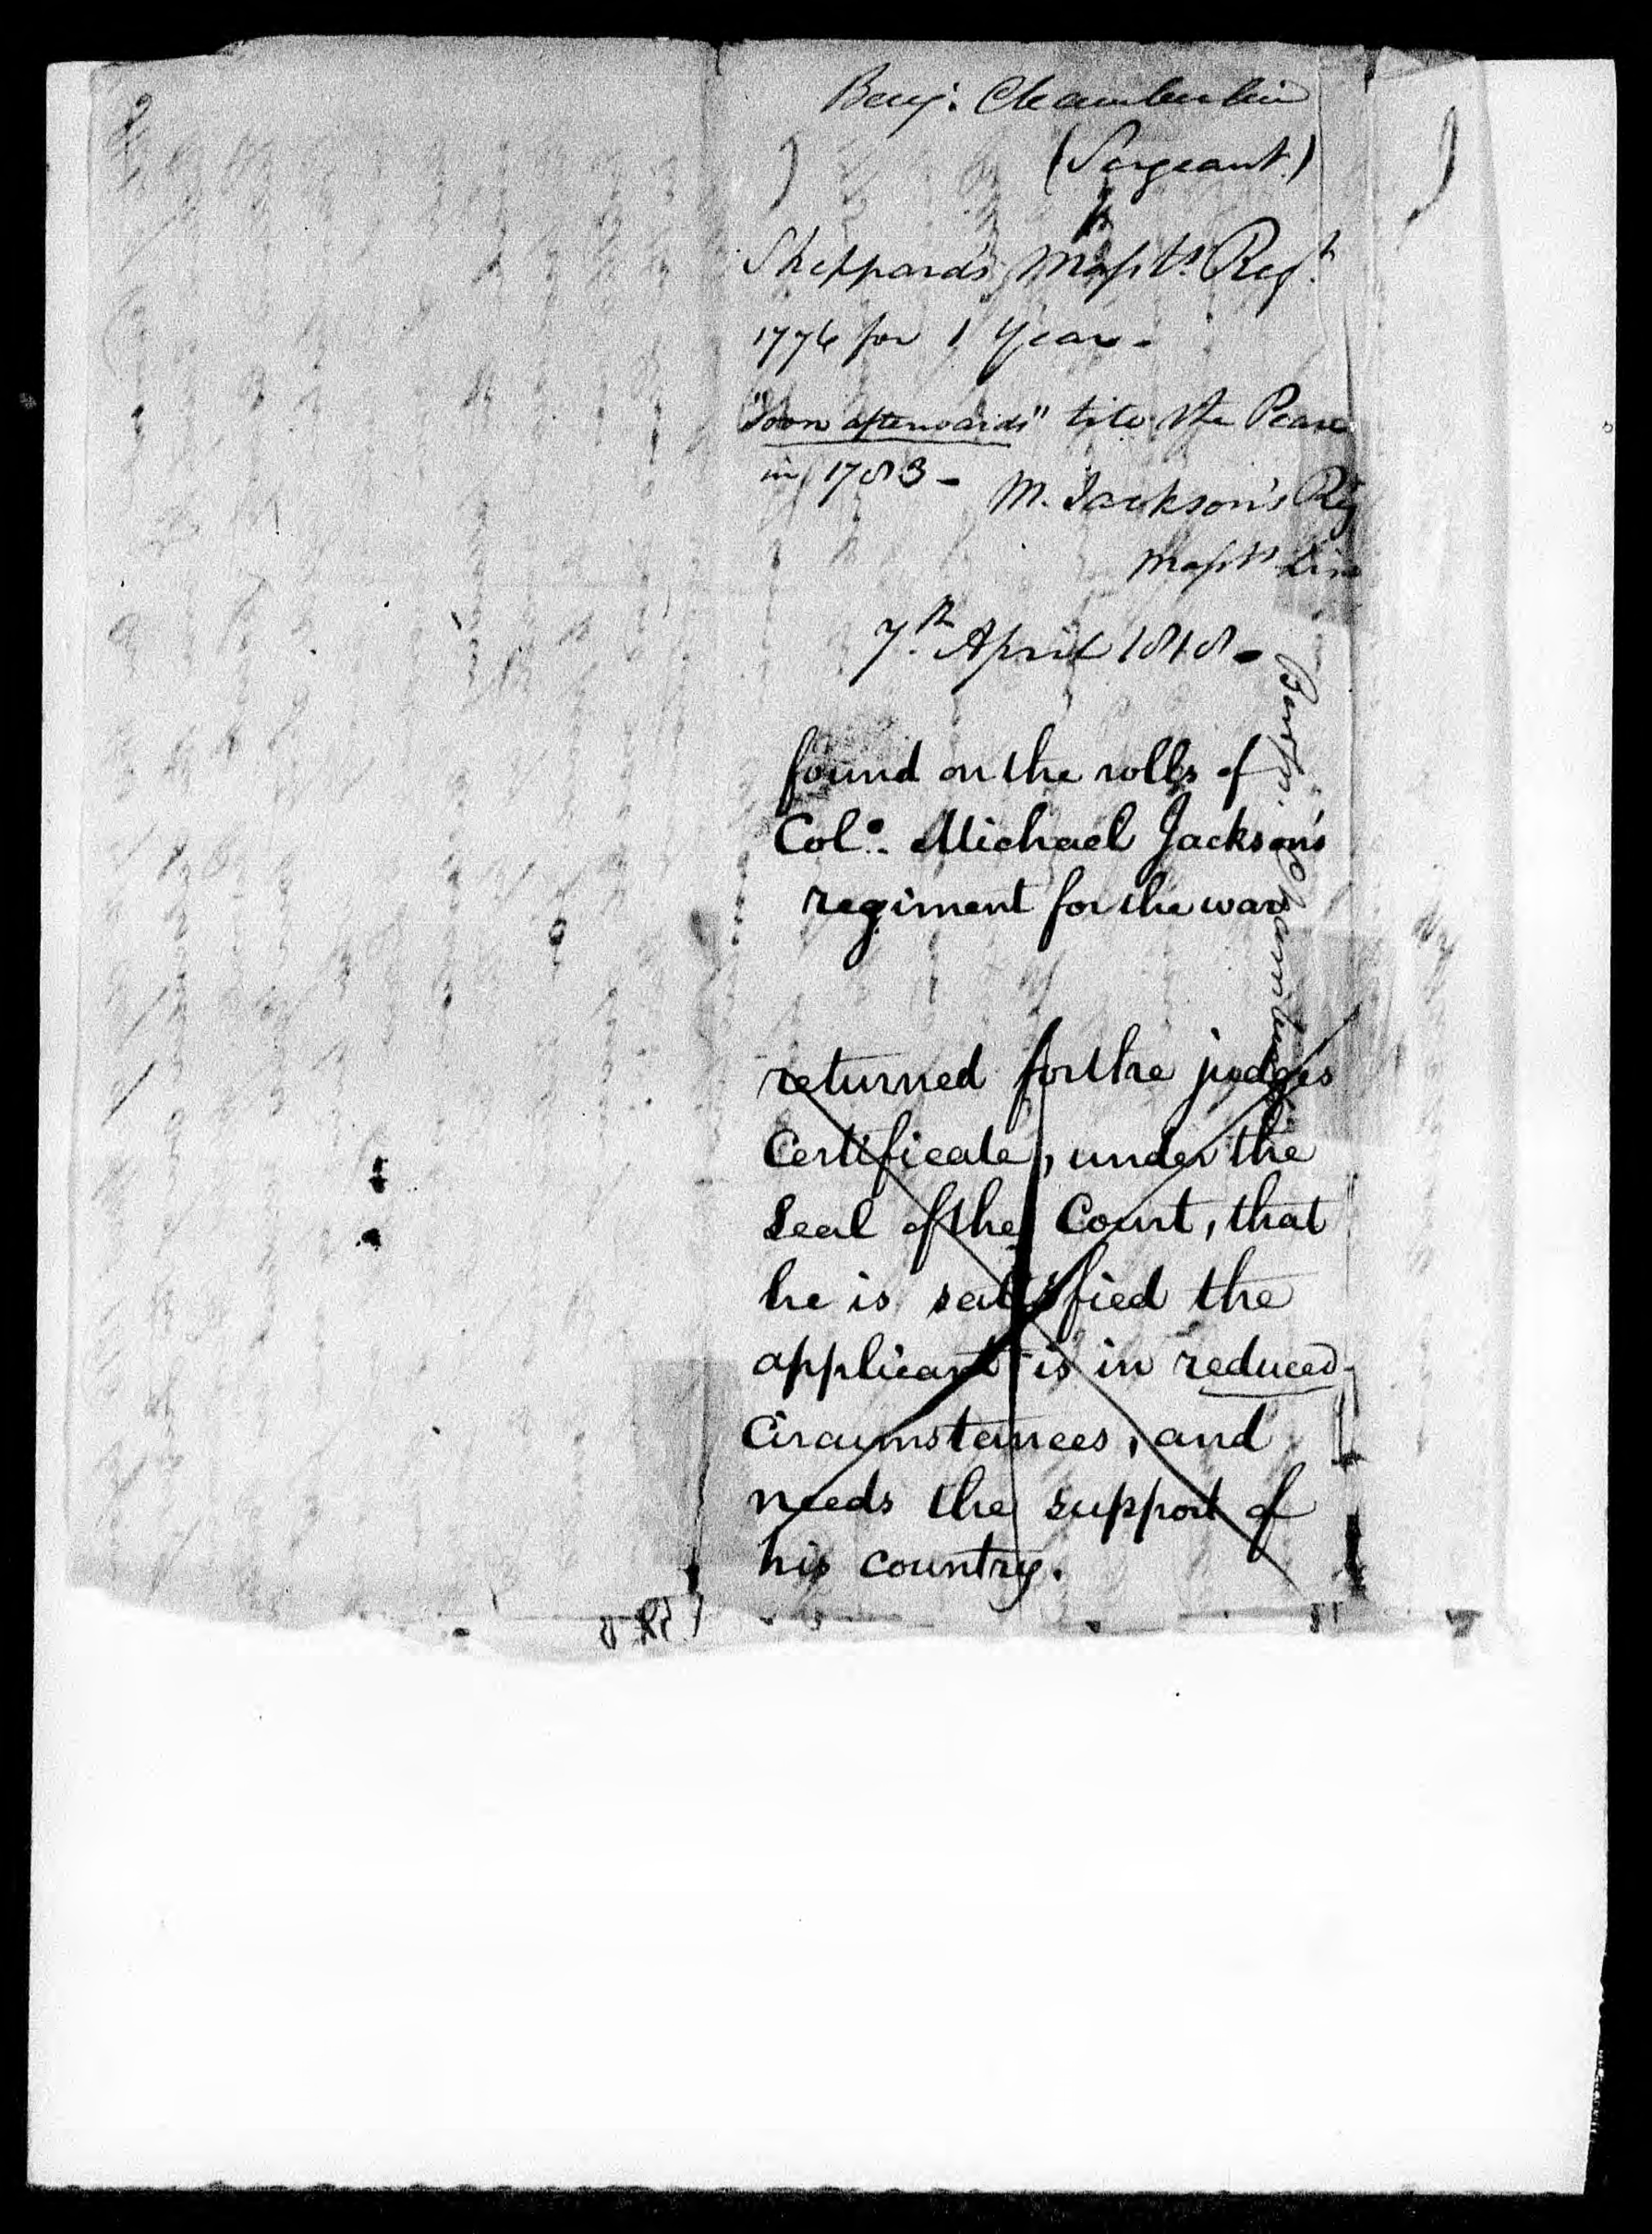Benjamin Chamberlin (Sergeant)
Sheppard's Massachusetts Regiment
1776 for 1 year
"Soon afterwards" till the Peace in 1783 - M. Jackson's Regiment Massachusetts
7th April 1818
Found on the rolls of Colonel Michael Jackson's regiment for the war

[the following has been crossed out]:
returned for the judges certificate, under the seal of the Court, that he is satisfied the applicant is in reduced circumstances and needs the support of his country.

Benjm. Chamberlin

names: Benjn Chamberlain, Benj Chamberlin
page: 3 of 30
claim: survivor's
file: S. 39306, Benjamin Chamberlin, Mass.